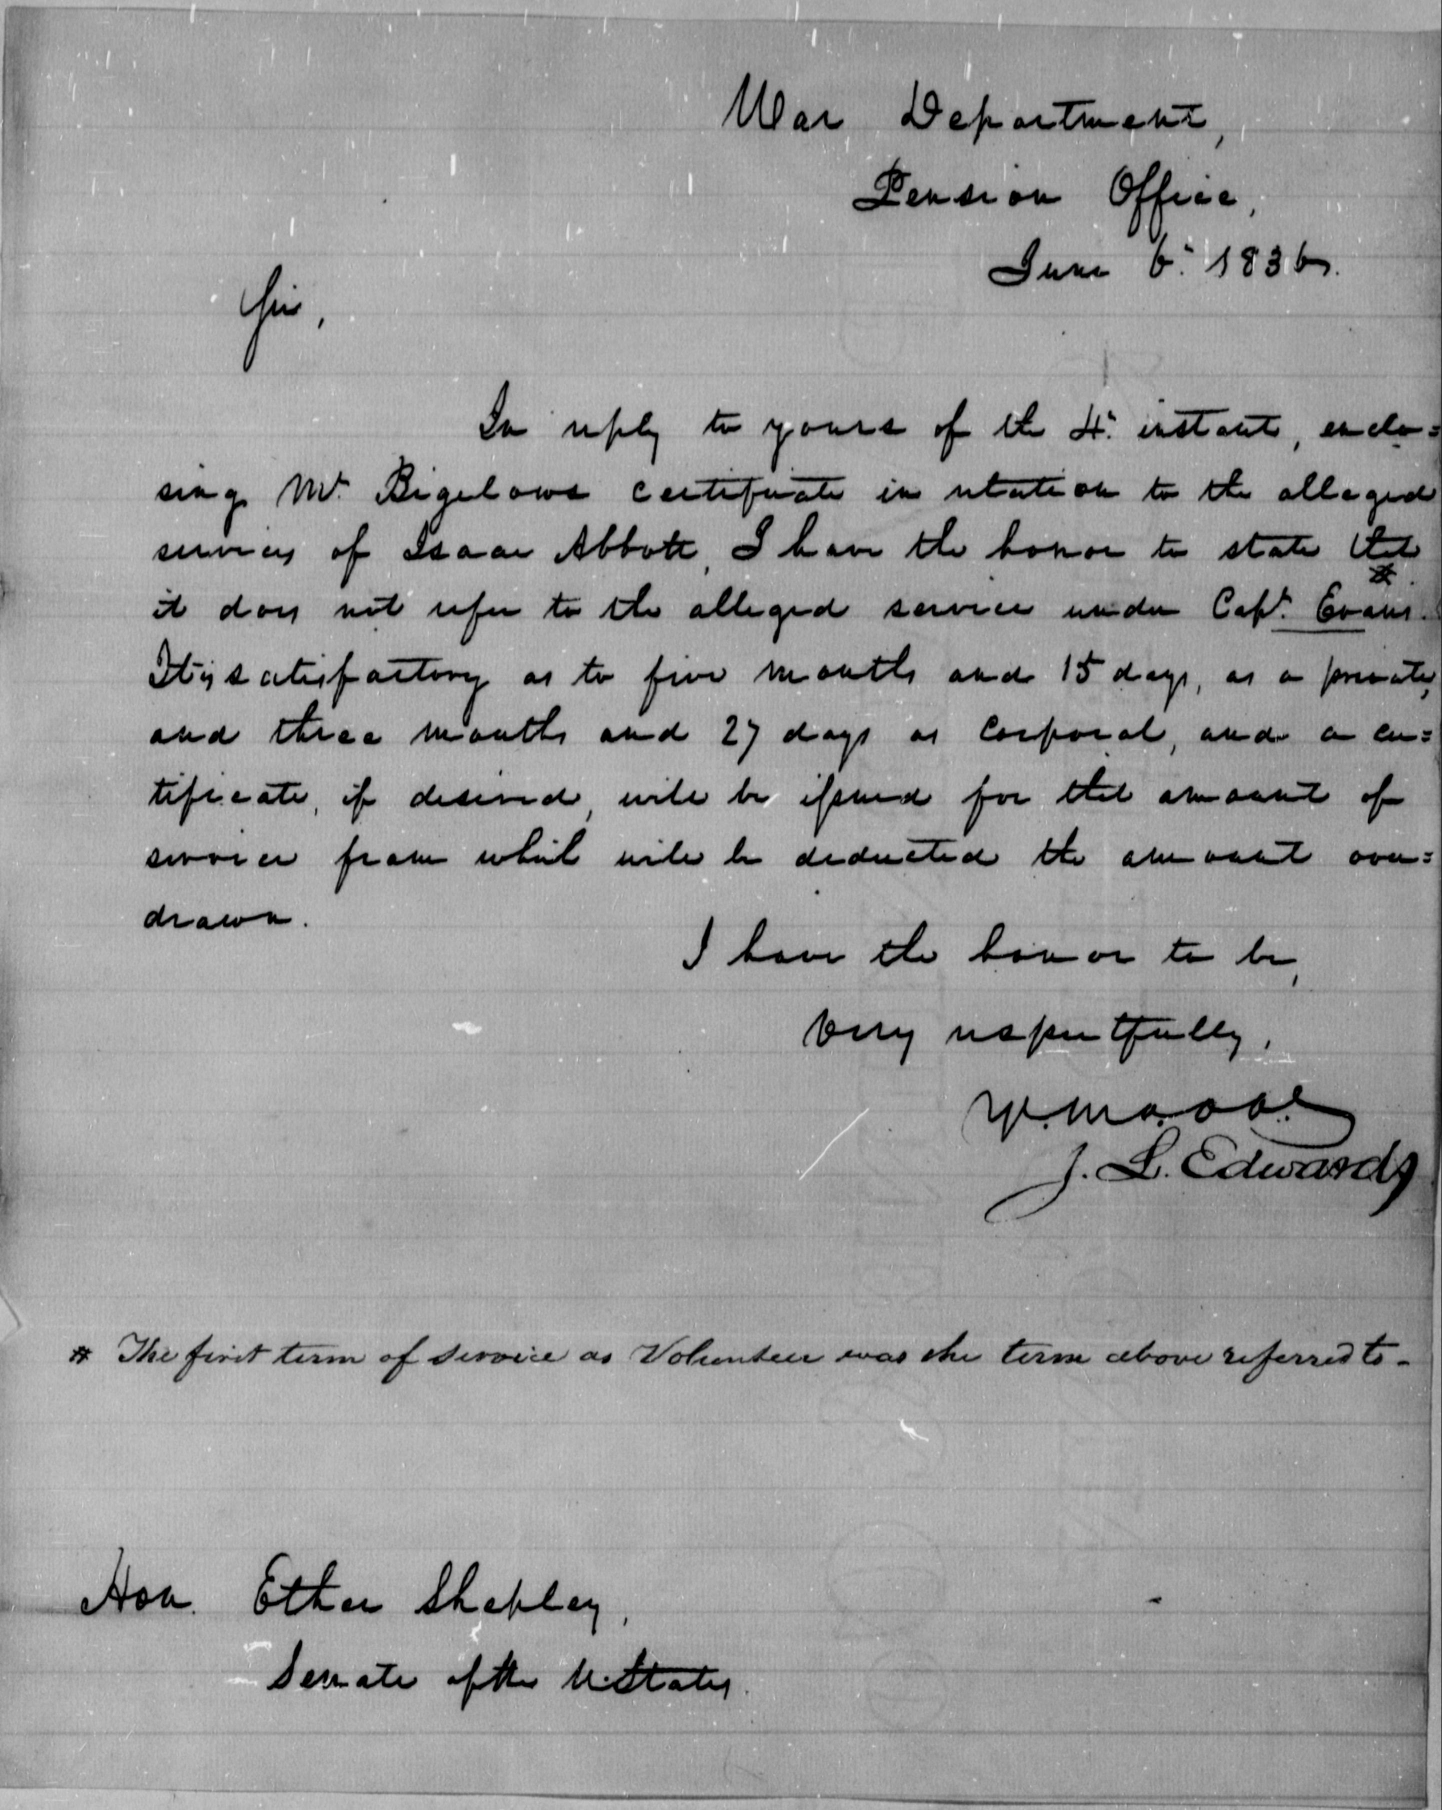War Department,
Pension Office,
June 6, 1836

Sir,
In reply to yours of the H.[?] instate, enclosing Mr. Bigelow's Certificate in [illegible] on to the alleged services of Isaac Abbott, I have the honor to state that it does not refer to the alleged service under Capt. Evans. It's satisfactory as to five months and 15 days, as a Private, and three months and 27 days as Corporal, and a Certificate, if desired, will be issued for the amount of service from which will be deducted the amount overdrawn.

I have the honor to be
very respectfully,
[illegible]
[SIGNED: J. L. Edwards]

* The first term of service as Volunteer was the term above referred to.


Hon. Esther Shepley,
Senate of the U. States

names: Isaac Abbott, Ether Shepley, J L Edwards, Evans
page: 54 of 86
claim: survivor's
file: S 29,568, Isaac Abbot, Mass